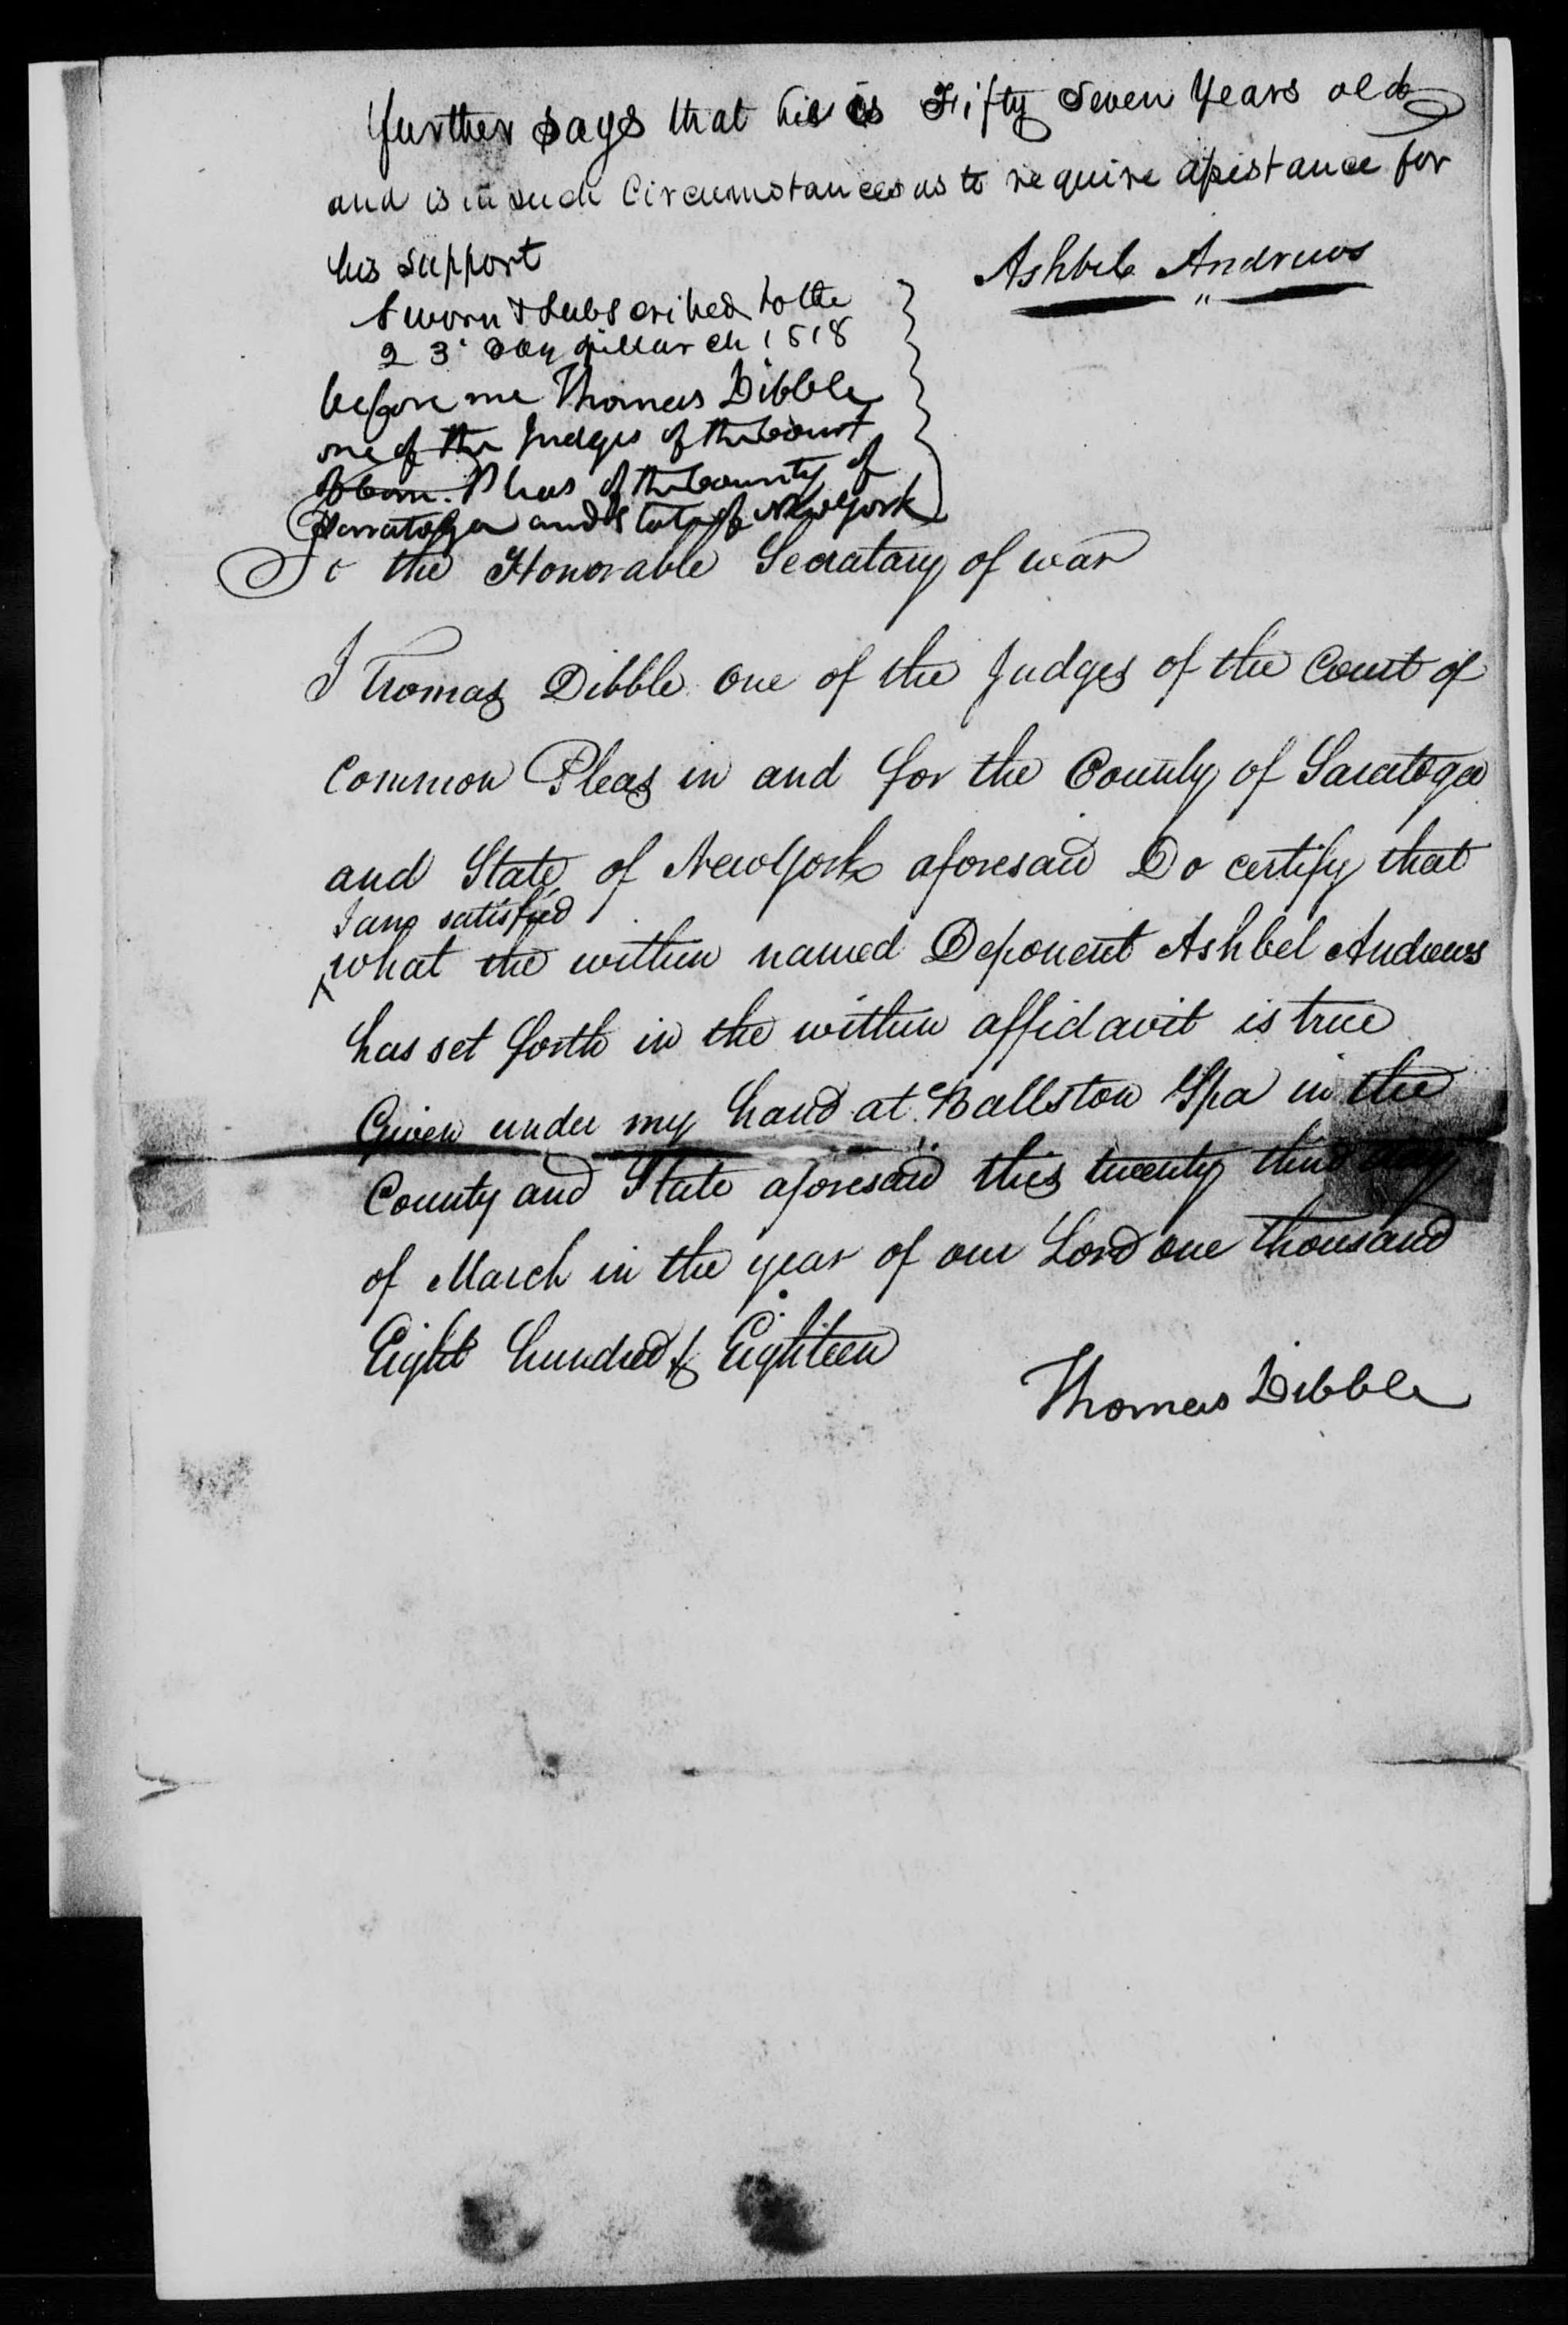further says
that he is Fifty seven years old
and is in such circumstances as to require assistance for
his support    Ashbel Andrews

Sworn & subscribed to the
23 day of March 1818
before me Thomas Dibble
one of the Judges of the Court
of Com. Pleas of the County
of
Saratoga and State of New York

To the Honorable Secretary of war
I Thomas Dibble one of the Judges of the Court of
Common Pleas in and for the County of Saratoga
and State of New York aforesaid do certify that
I am satisfied what the within named Deponent Ashbel Andrews
has set forth in the within affidavit is true.
Given under my hand at Ballston Spa in the
County and State aforesaid this twenty third day of March in the year of our Lord one thousand
Eight hundred Eighteen
Thomas Dibble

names: Thomas Dibble, Ashbel Andrews, Thomas Dibble, Thomas Dibble, Ashbel Andrews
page: 5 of 8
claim: survivor's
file: S 45217, Ashbel Andrews, New York